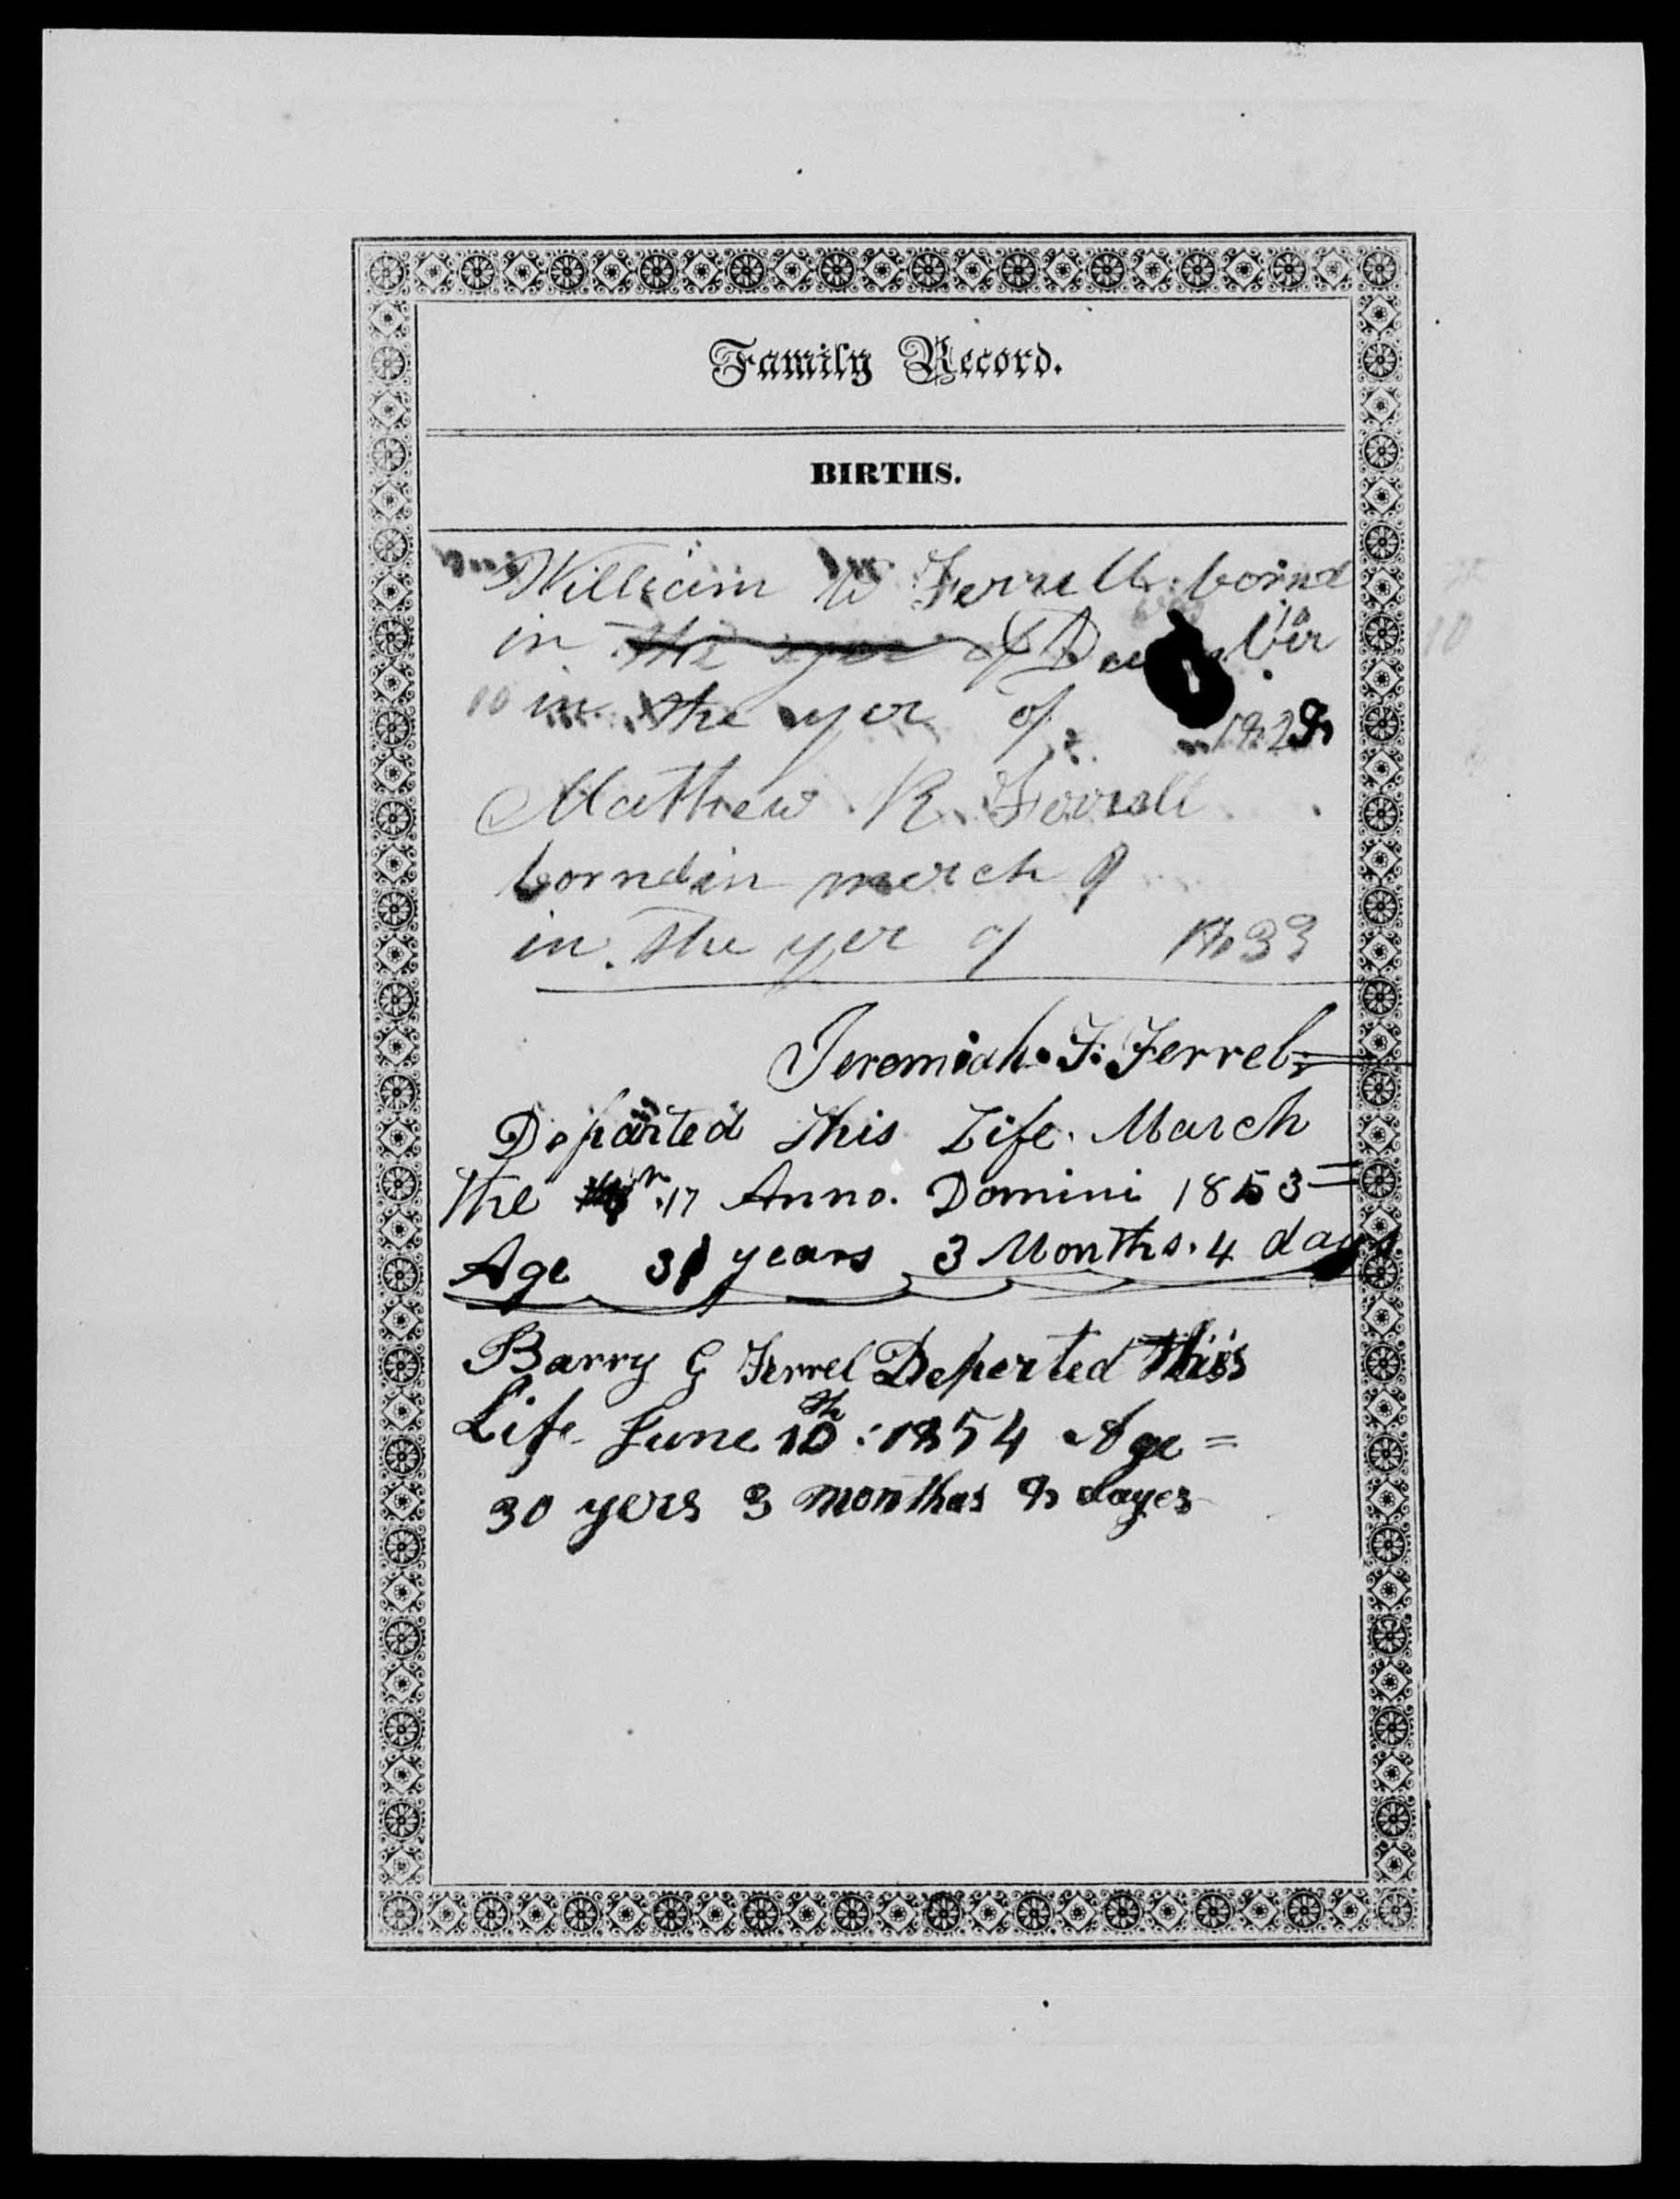William W. Ferrell bornd in of December 19 in the yer of 1829
Matthew R. Ferrell bornd in March 9 in the yer of 1833
Jeremiah F. Ferrel Departed this life March the 17 Anno. Domini 1853 Age 38 years 3 months 4 day.
Barry G. Ferrel Deperted this Life June 10th 1854 Age 30 yers 3 monthes 9 dayes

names: Jeremiahf Ferrel, Barry G Ferrel, Mathew R Ferrell, William W Ferrel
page: 4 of 52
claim: rejected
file: R. 3,512, John Ferrell, N.C.